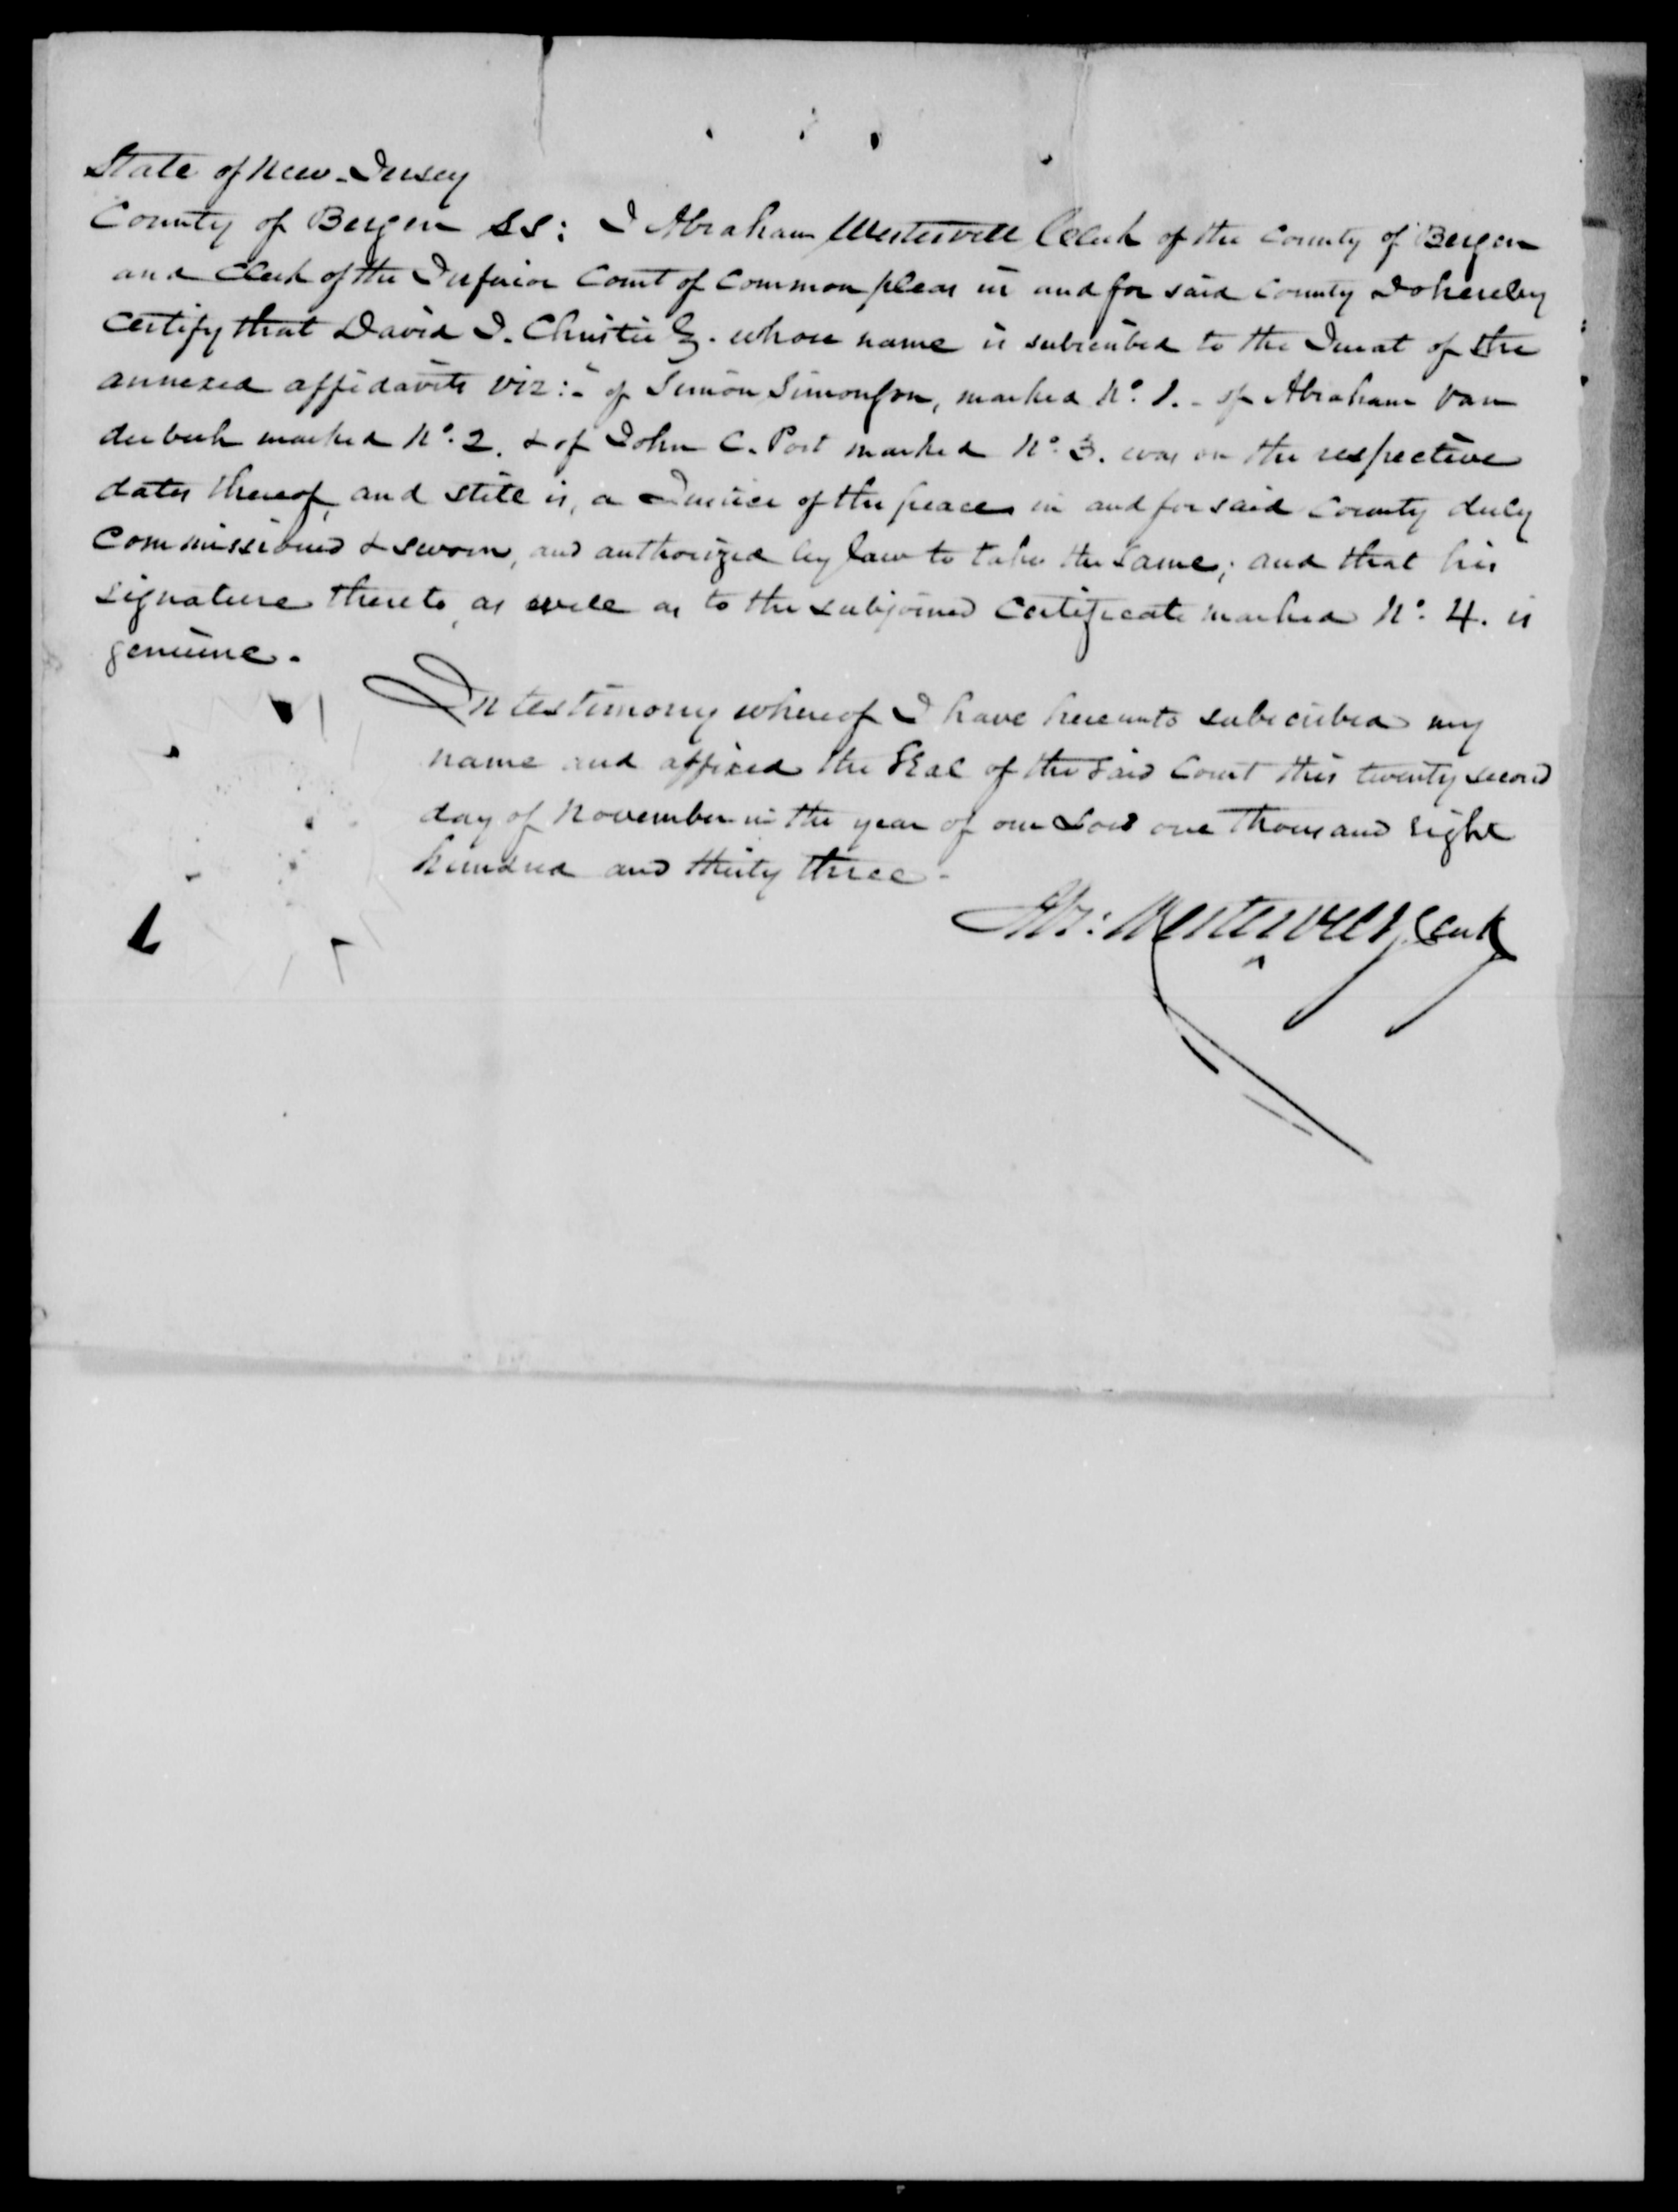State of New Jersey
County of Bergen SS: I Abraham Westervill Clerk of the County of Bergen and Clerk of the Inferior Court of Common pleas in and for said County do hereby certify that David J. Christie Esq whose name is subscribed to the Jurat of the annexed affidavits viz: of Simon Simonson, marked No 1. of Abraham Van der Beek marked No 2 & of John C. Post marked No 3. was on the respective dates thereof and still is a Justice of the peace in and for said County duly
commissioned & sworn, and authorized by law to take the same; and that his signature thereto as well as to the subjoined certificate marked No. 4 is genuine.

In testimony whereof I have hereunto subscribed my name and affixed the Seal of the said Court this twenty second day of November in the year of our Lord one thousand eight
hundred and thirty three
Abr. Westervill, Clerk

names: David J Christie; John C Post; Simon Simonson; Abr Westervill; Abraham Westervill; Abraham Vanderbeck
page: 27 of 30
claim: survivor's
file: S. 1104, for Simon Simonson, New Jersey